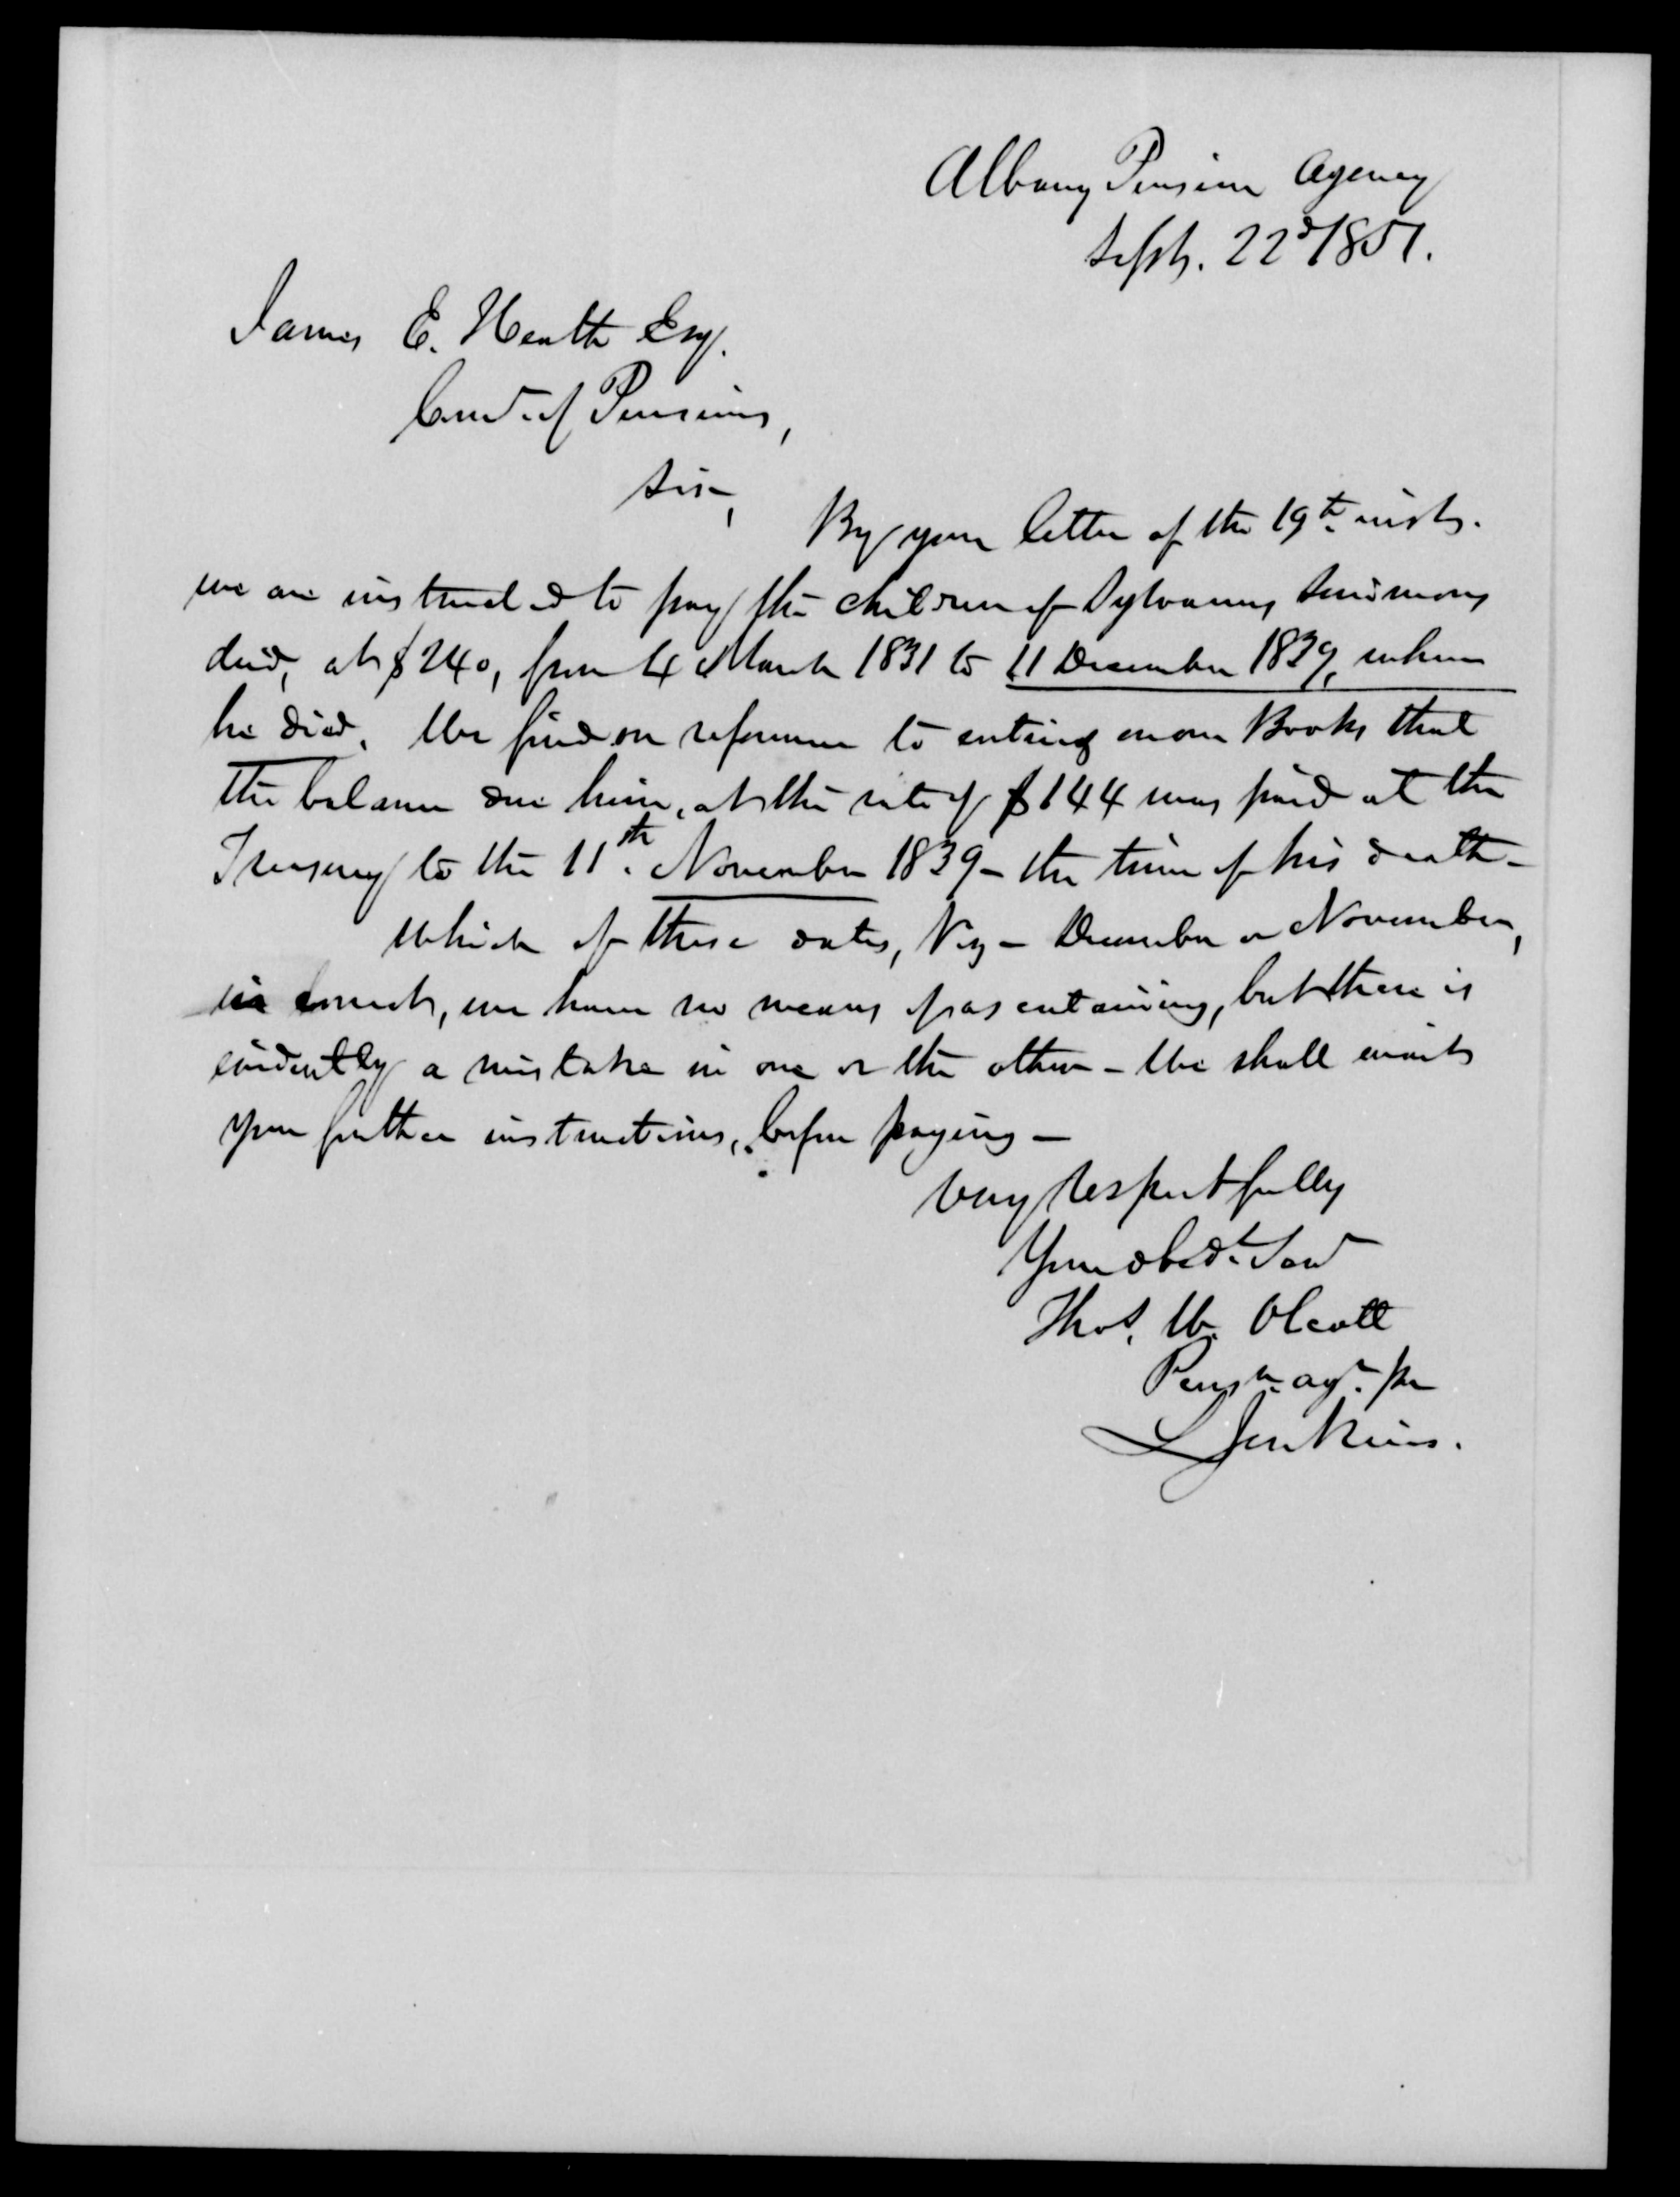Albany Pension Agency
Sept. 22d 1851
James E. Heath Esq
Com of Pensions
Sir,
By your letter of the 19th inst
we an instructed to pay the children of Sylvanus Simmons
dec'd, at $240, from 4 March 1831 to 11 December 1839, when
he died.  We find on reference to entries of war Books that 
the balance due him, at the rate of $144 was paid at the
Treasury to the 11th November 1839- the time of his death.
Which of these dates, Vz-- December or
November,
is truth, we have no means of ascertaining, but there is
evidently a mistake in one or the other - We shall wait
your further instructions, before paying-
Very Respectfully
Your obed Sevt
Thos W. Olcott
Pensn agt for
L. Jenkins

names: Sylvanus Simmons; James E Heath; Thos W Olcott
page: 23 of 31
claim: survivor's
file: S. 14484, for Sylvanus Simmons, New York